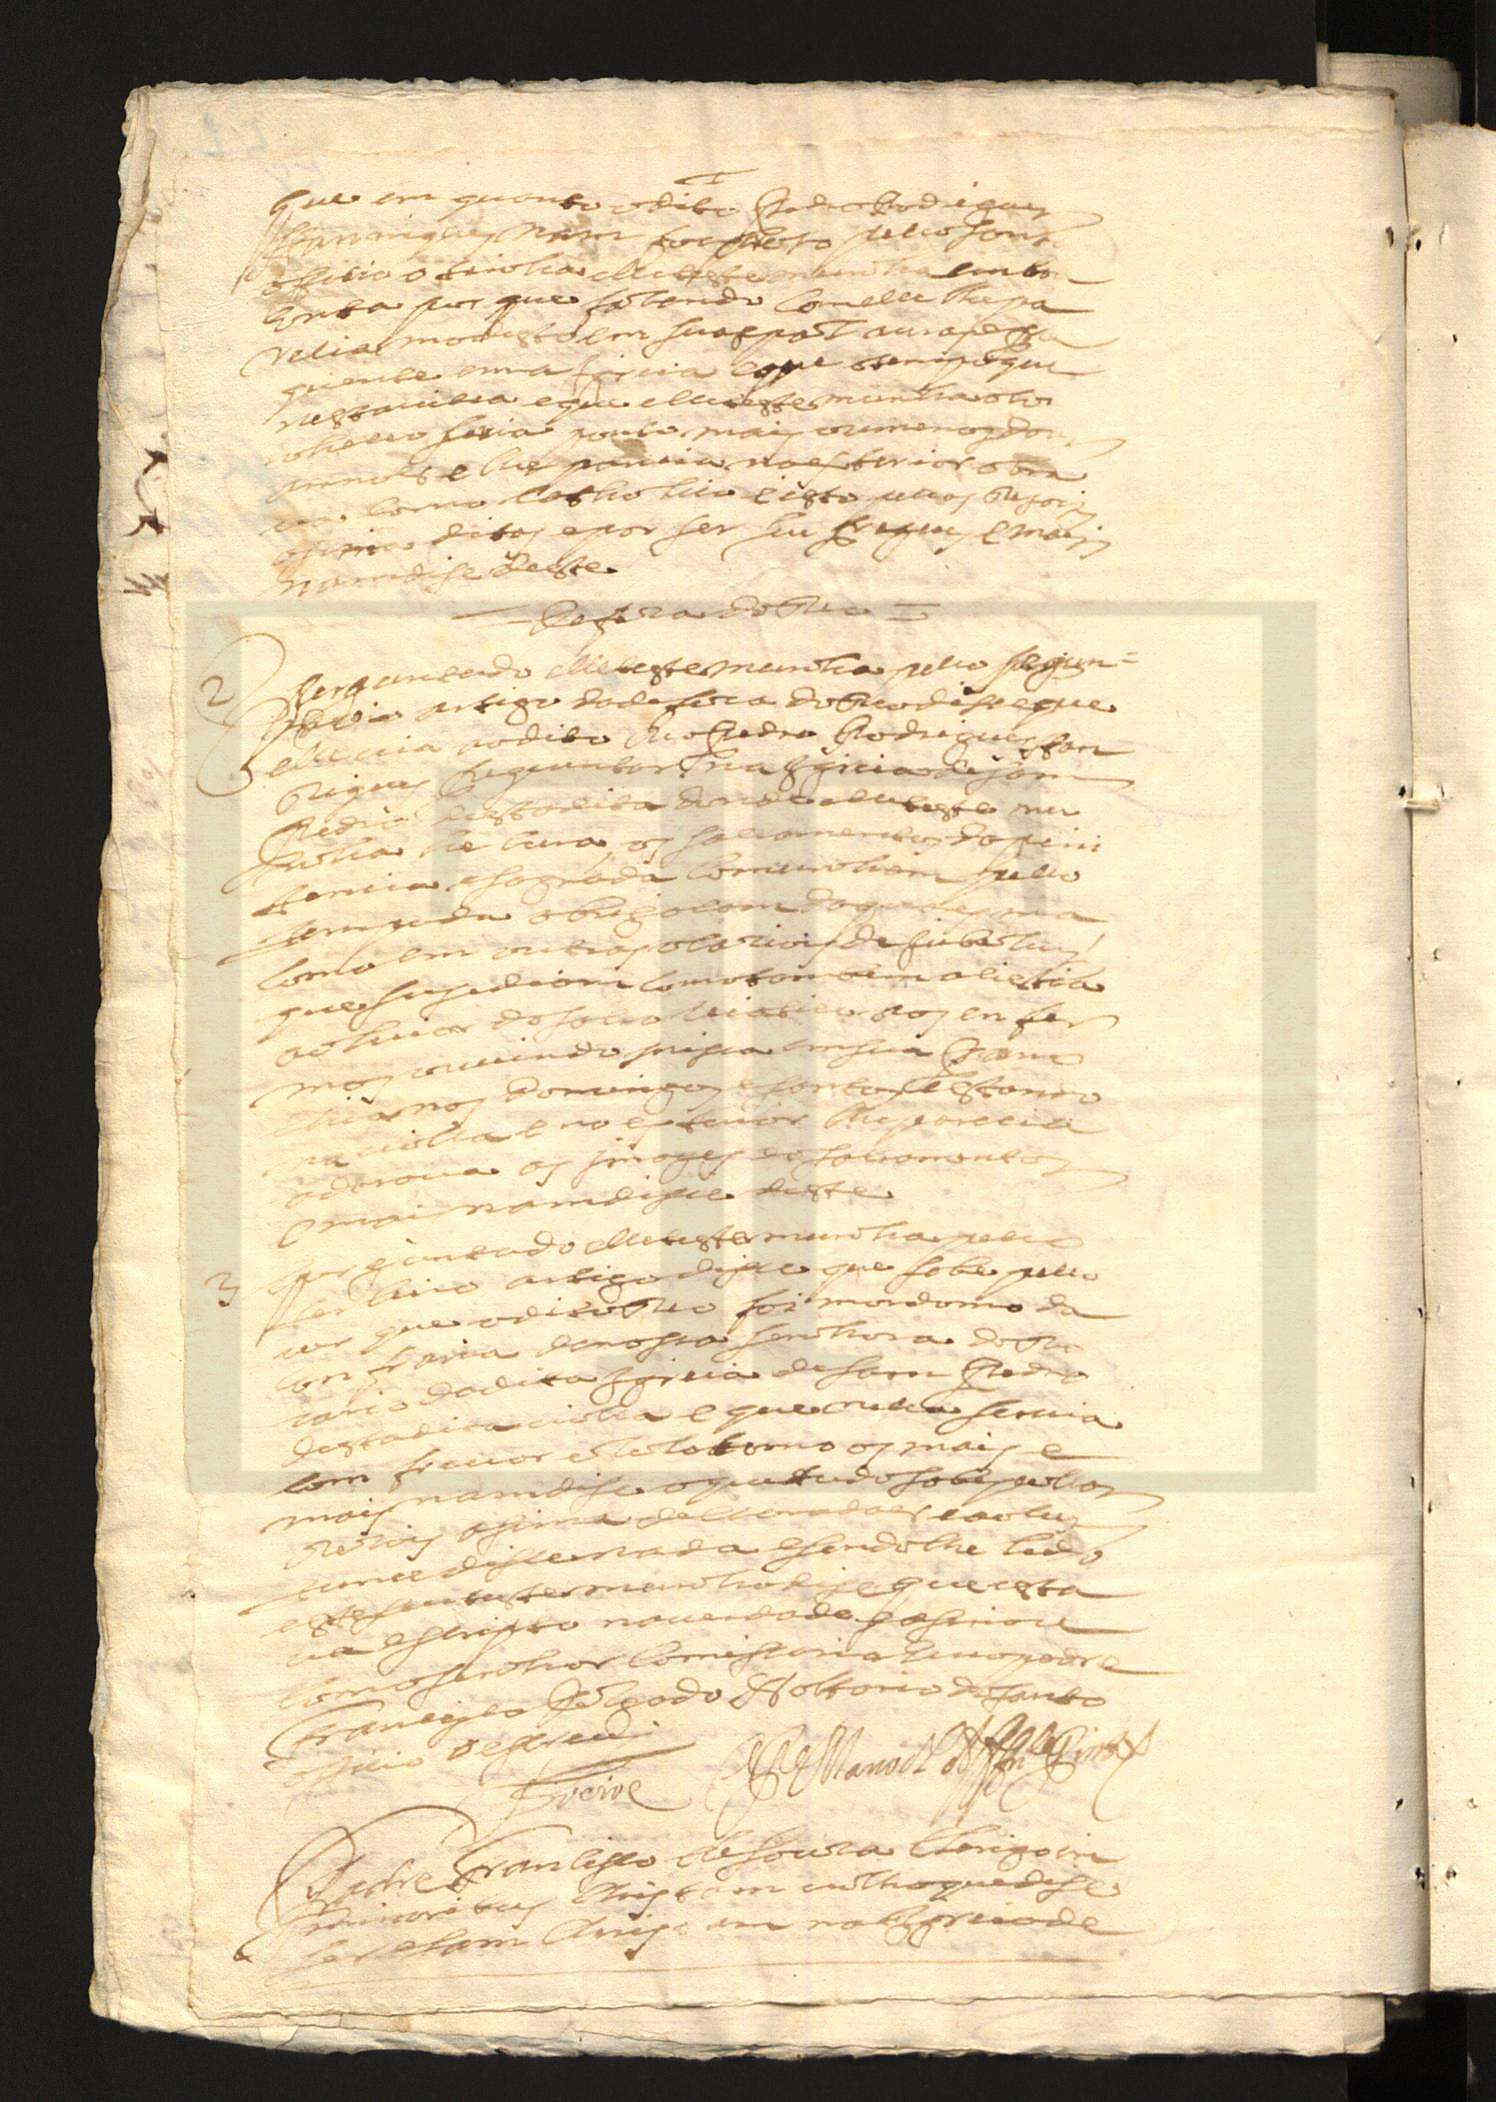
2
3
que emquanto o dito Pedro Rodrigues
Hanrriques nam foi preso pello santo
officio o tinha elle testemunha em boa
conta porque falando Com elle lhe pa
recia modesto em suas palauras e fre
quente em a Jgreia e que o tempo que
nesta uilla e que elle testemunha o co
nheceo faria pouco mais ou menos dous
annos e lhe parecia no exterior obra
ua como Catholico e isto pellas Rezois
asima ditas e por ser seu fregues e mais
nam dise deste
Defeza do Reo
perguntado elle testemunha pello segun
do artigo da defeza do Reo disse o que
elle uia ao dito Reo Pedro Rodrigues Han
Riques frequentar na Jgreia de sam
Pedro desta dita donde elle testemu
nha he cura, os sacramentos da peni
tencia e sagrada Comunham pello
tempo da obrigacam da quaresma,
como em outras ocaziois de jubeleu
que susediam como tambem acistia
ao leuar do sacro viatico aos enfer
mos ouindo missa em sua Parro
chia nos Domingos e santos estando
na uilla e no exterior lhe parecia
adoraua as jmages e o sacramentos
e mais nam disse deste
perguntado elle testemunha pello
terceiro artigo disse que sabe pello
uer que o dito Reo foi mordomo da
confraria de nossa senhora do Ro
zario da dita Jgreia de sam Pedro
desta dita uilla e que nella seruia
com freuor e zelo Como os mais e
mais nam dise o que tudo sabe pellas
Rezois asima declaradas e ao cus
tume disse nada e sendolhe lido
este seu testemunho dise que esta
ua escripto na uerdade e asinou
com o senhor Comissario E eu o padre
Francisco Delgado Nottario do santo
officio o escreui
O Padre Francisco de souza Clerigo in
minoribus Christam uelho que dise
ser o samChristam na Jgreia de
